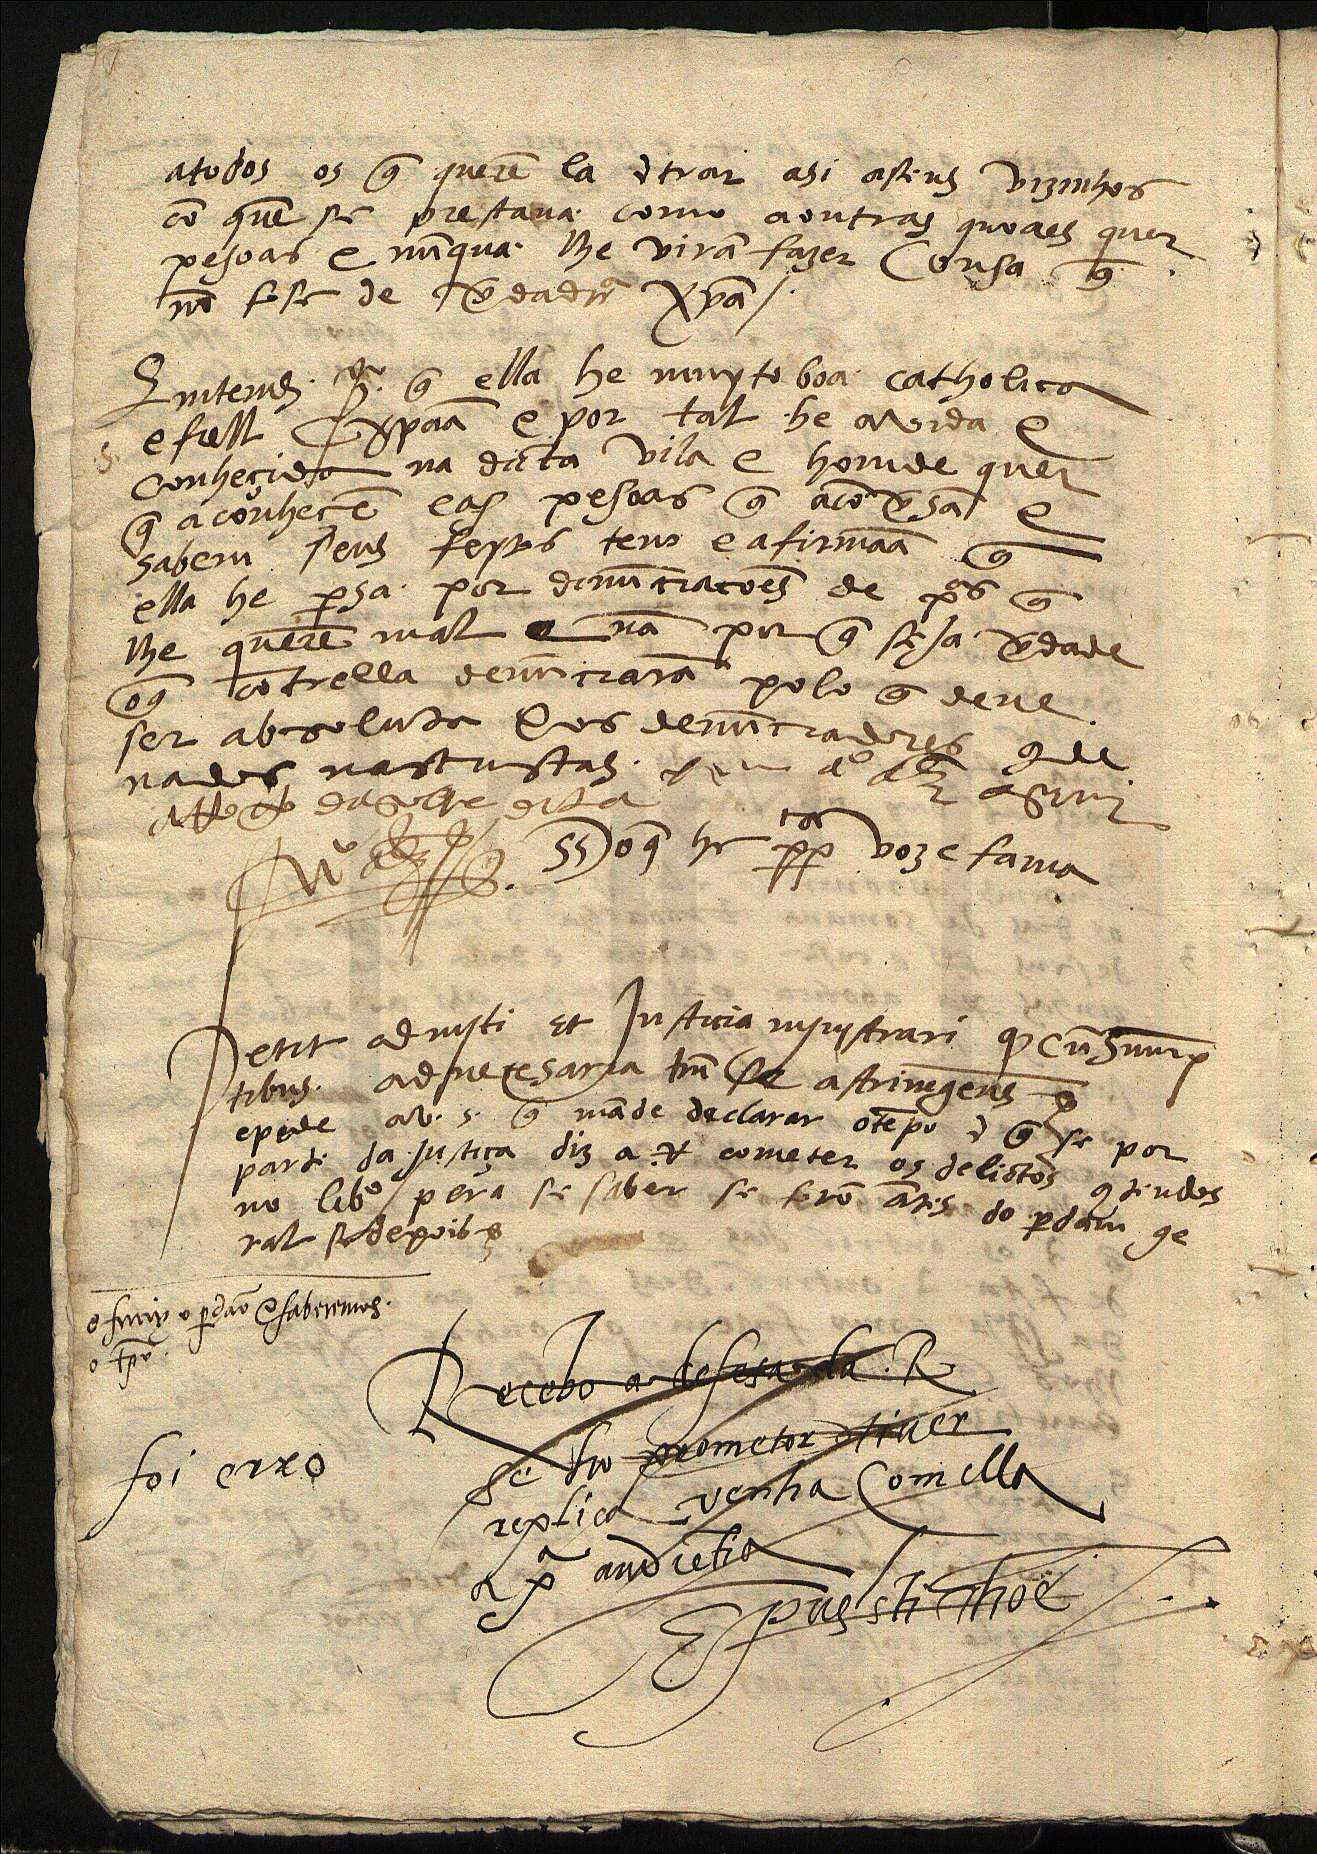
a todos os q̄ querē la ētrar asi a seus vizinhos
c̄o qūe se prestaua. como a outras quoaesquer
pesoas e nūqua lhe virā fazer Cousa q̄
n̄o fose de ꝟdadrra Xp̄a /
Emtemd ꝓ̄. q̄ ella he muyto boa catholica
e fiell xpaā e por tal he avida e
conhecida na dicta vila e homde quer
q̄ a conhecē e as pesoas q̄ a c̄oꝟsā e
sabem seus feytos tem e afirmāa q̄
ella he ꝑsa por den̄uciações de pas q̄
lhe quēre maL e nā porq̄ seJa ꝟdade
o q̄ c̄otrella denūciarā polo q̄ deue
ser absoluta e os denūciadores ꝯde
nados nas custas. e eu ao alz̄ o screuj
a Rogo da sobredita
Do q̄ he ꝑꝑca voz e fama
Petit addmjti Et Justicia mjnjstrari ꝙ cū Sūmp
tibus ad necesaria trā se astrin̄egens
e pede a v. s. q̄ māde declarar o tēpo ē q̄ se por
parte da Justiça diz a R cometer os delictos ꝯteudos
no libo pera se saber se forō ātes do ꝑdam ge
raL se depois
oferecy o ꝑdão e saberemos.
o t̄po
Recebo a defesa da R
se ho prometor tiuer
replica venha Com ella
a pa audiētia
foi erro
